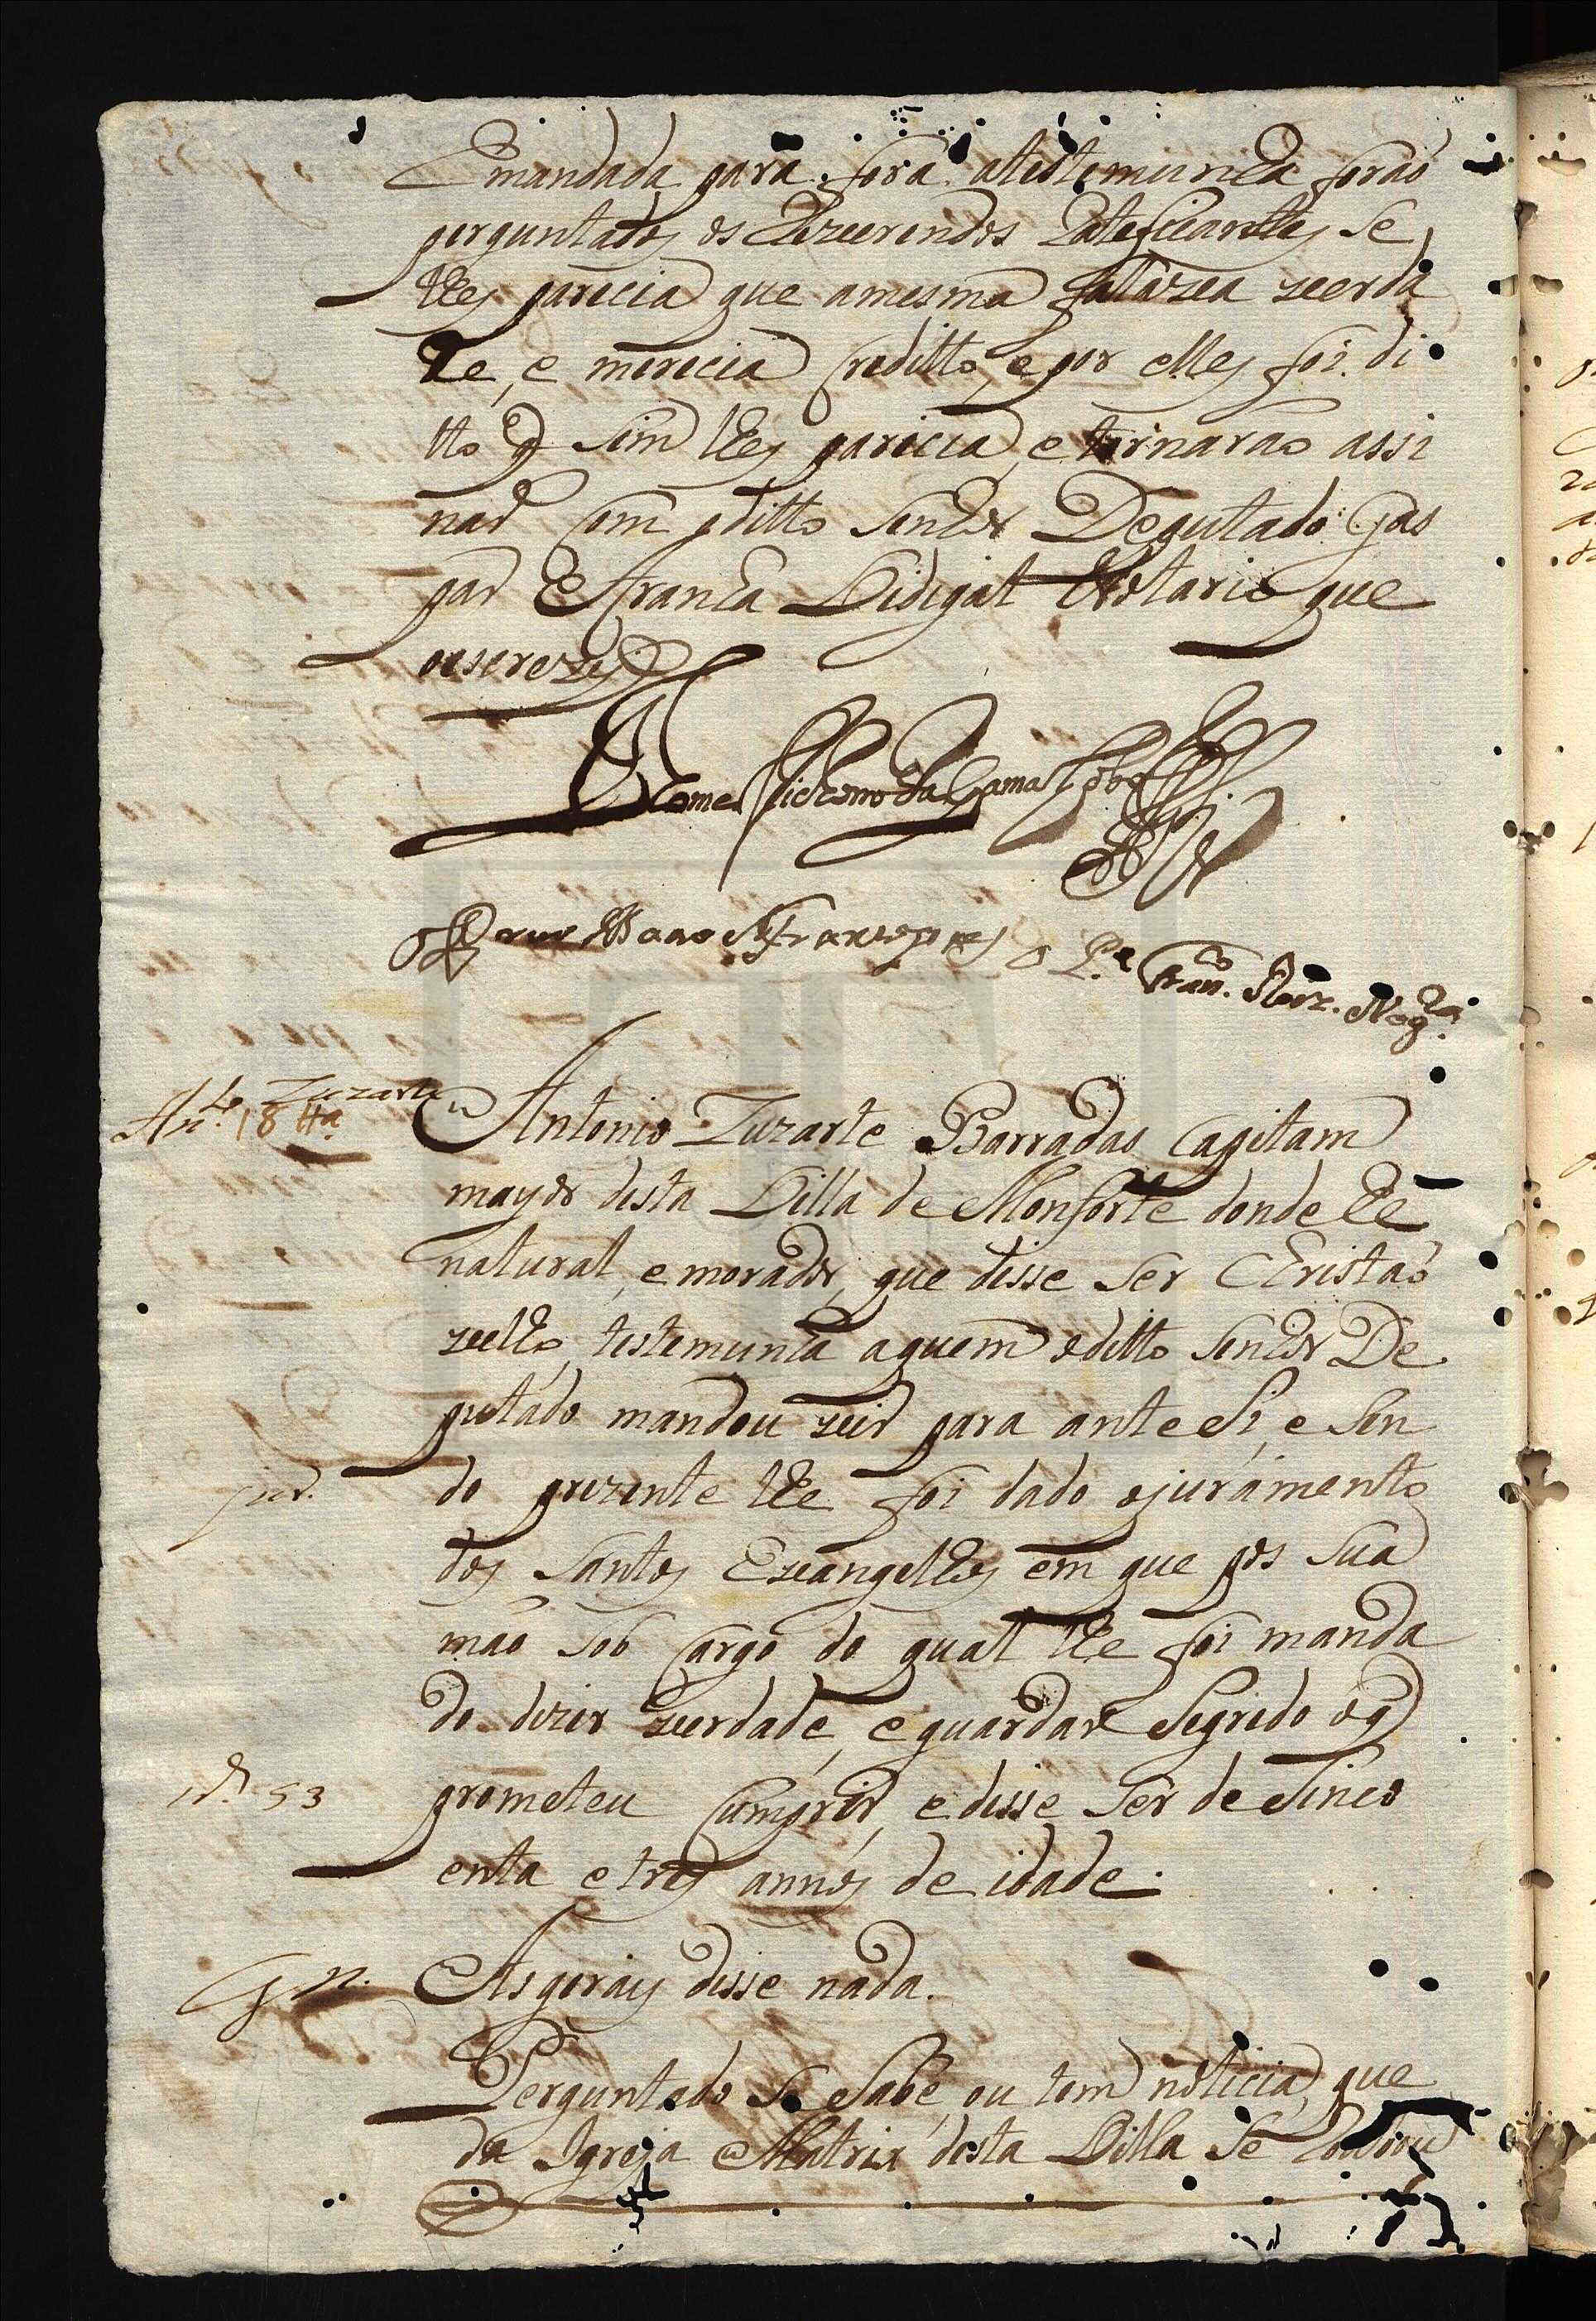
E mandada para fora a testemunha foraõ
perguntados os Reverendos Rateficantes se
lhes parecia que a mesma falava verda
de, e merecia Creditto, e por elles foi di
tto q̄ sim lhes parecia, e tornaraõ assi
nar Com o ditto Senhor Deputado Gas
par Aranha Vidigal Notario que
o escrevj
Thome Chichorro da Gama Lobo
O Pror Manoel Franco
O P.e Franco. Roiz̄ Nog.ra
Anto 18 tt.a
Zuzarte
Antonio Zuzarte Barradas capitam
mayor desta Villa de Monforte donde he
natural, e morador que disse ser Christaõ
uelho, testemunha a quem o ditto Senhor De
putado mandou vir para ante Si, e sen
jur.
do prezente lhe foi dado o juramentto
dos Santos Evangelhos em que pos sua
maõ sob Cargo do qual lhe foi manda
do dizer verdade, e guardar Segredo o q̄
id.e 53
prometeu Cumprir, e disse Ser de sinco
enta e tres annos de idade.
Gn. As gerais disse nada
Perguntado se sabe, ou tem noticia, que
da Igreja Matrix desta Villa se Roubou
